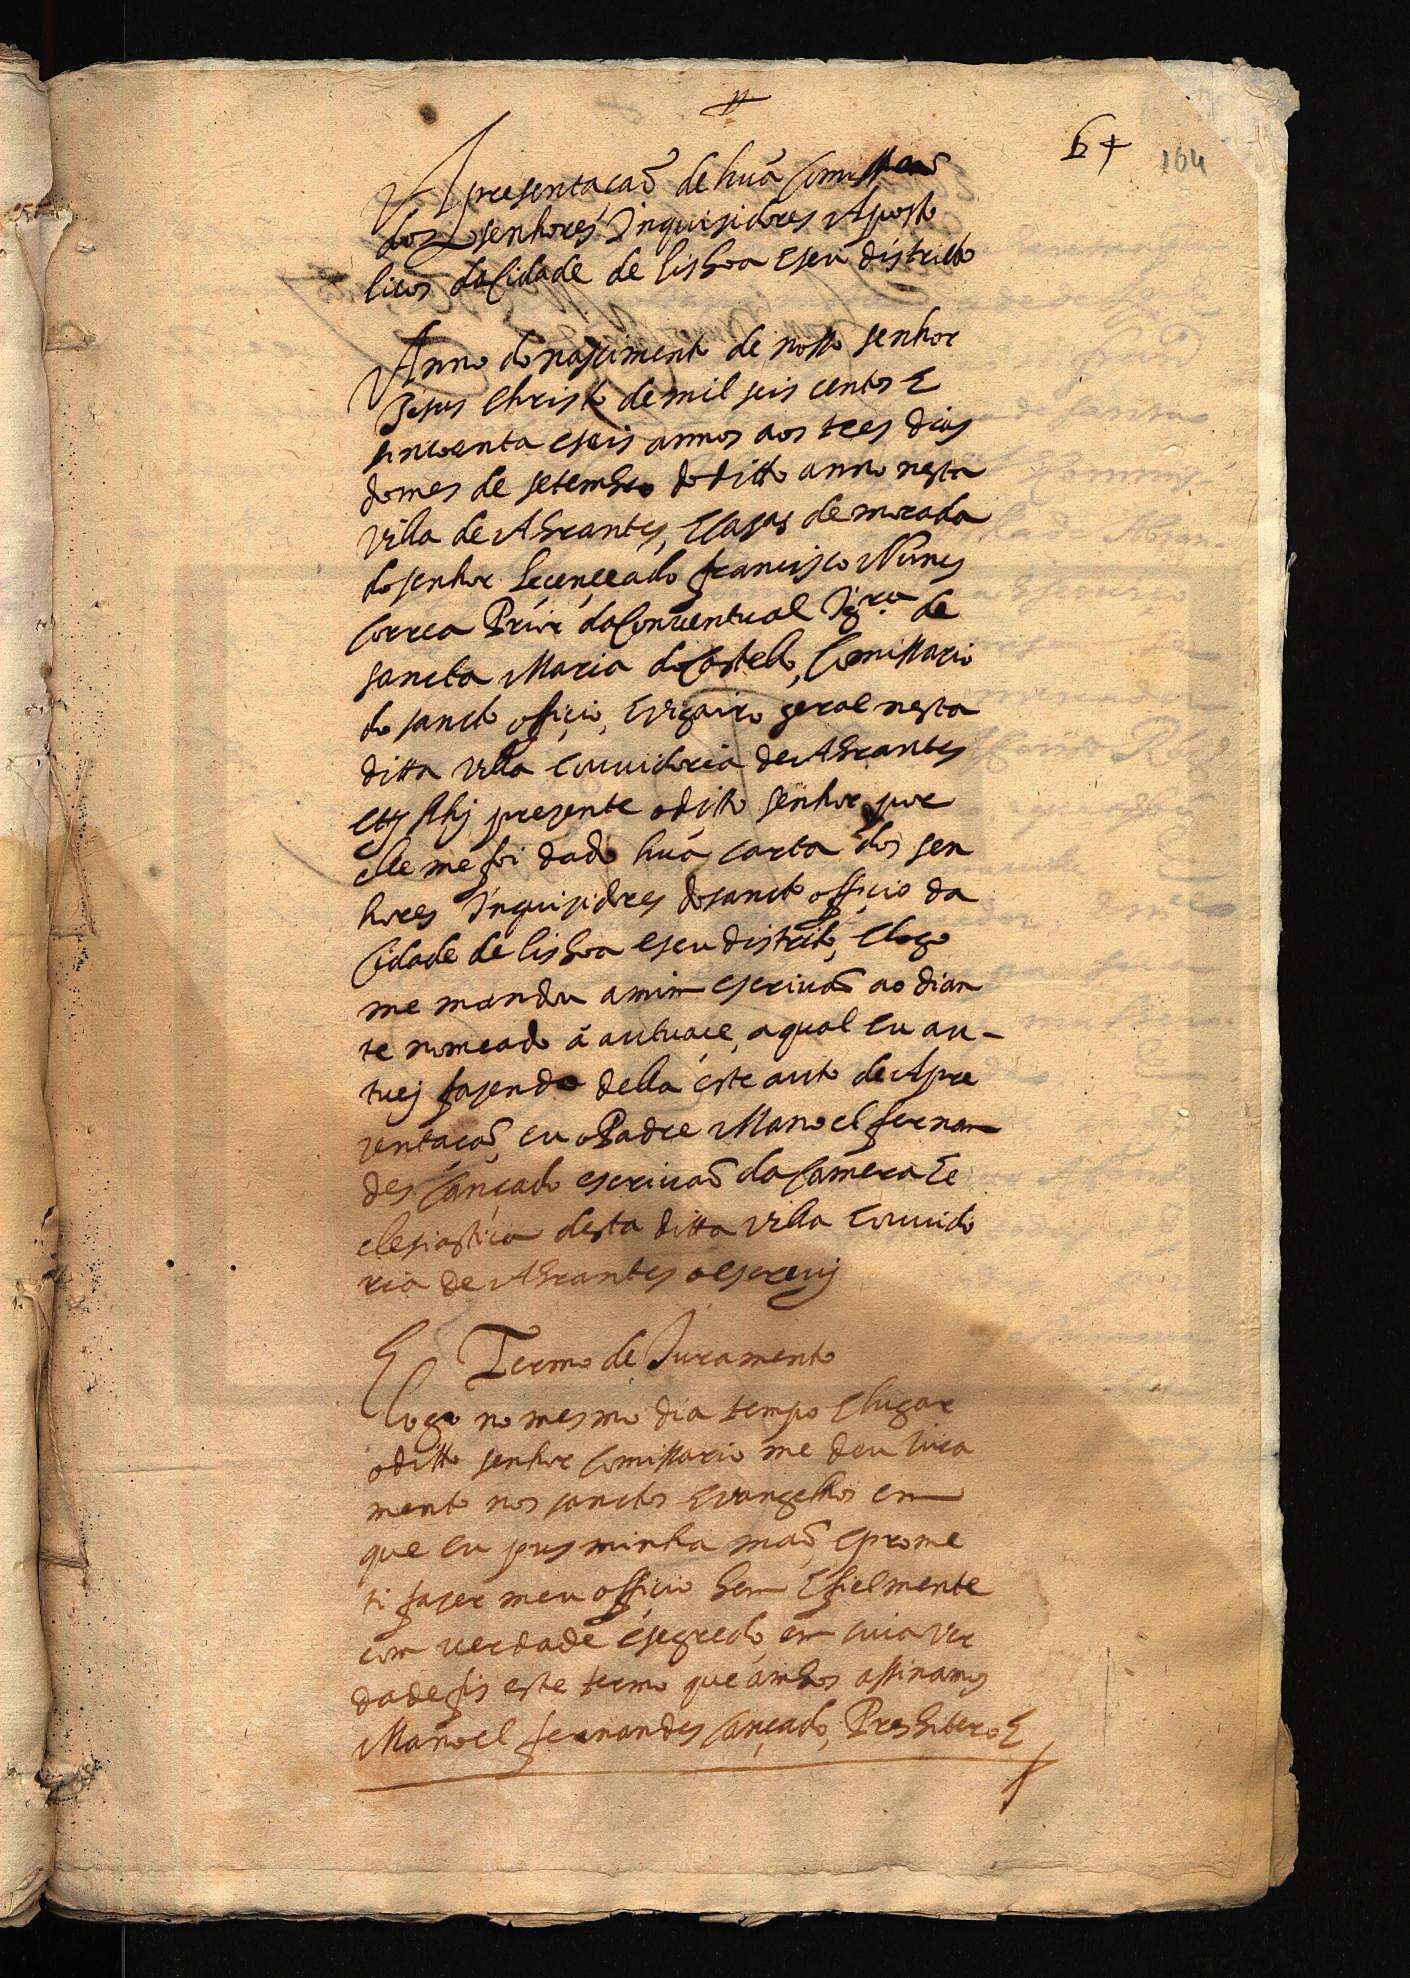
64
Apresentaçaõ de huā Comissaõ
dos senhores Inquisidores Aposto
licos da Cidade de Lisboa E seu districto
Anno do nascimento de nosso senhor
Jesus Christo de mil seiscentos E
sincoenta e seis annos aos tres dias
do mes de setembro do ditto anno nesta
Villa de Abrantes, E cazas de morada
do senhor Leçençeado francisco Nunes
Correa Prior da Conuentual Ig.ra de
sancta Maria do Castello, Comissario
do sancto offiçio, E vigairo geral nesta
ditta villa E ouuidoria de Abrantes
ettꝭ Ahj prezente o ditto senhor por
elle me foi dado huā carta dos sen
hores Inquizidores do sancto officio da
Cidade de lisboa e seu distrito, E logo
me mandou a mim escriuaõ ao dian
te nomeado á autuace, a qual Eu au
tuej fazendo della este auto de Apre
zentaçaõ, eu o Padre Manoel fernan
des Cançado escriuaõ da Camera Ec
clesiastica desta ditta villa E ouuido
ria de Abrantes o escreuj
Termo de Iuramento
E logo no mesmo dia tempo E lugar
o ditto senhor Comissario me deu Iura
mento nos sanctos Evangelhos em
que eu pus minha maõ, E prome
ti fazer meu officio bem E fielmente
com verdade e segredo, em cuia ver
dade fis este termo que ambos assinamos
Manoel fernandes Cançado, Presbitero E
